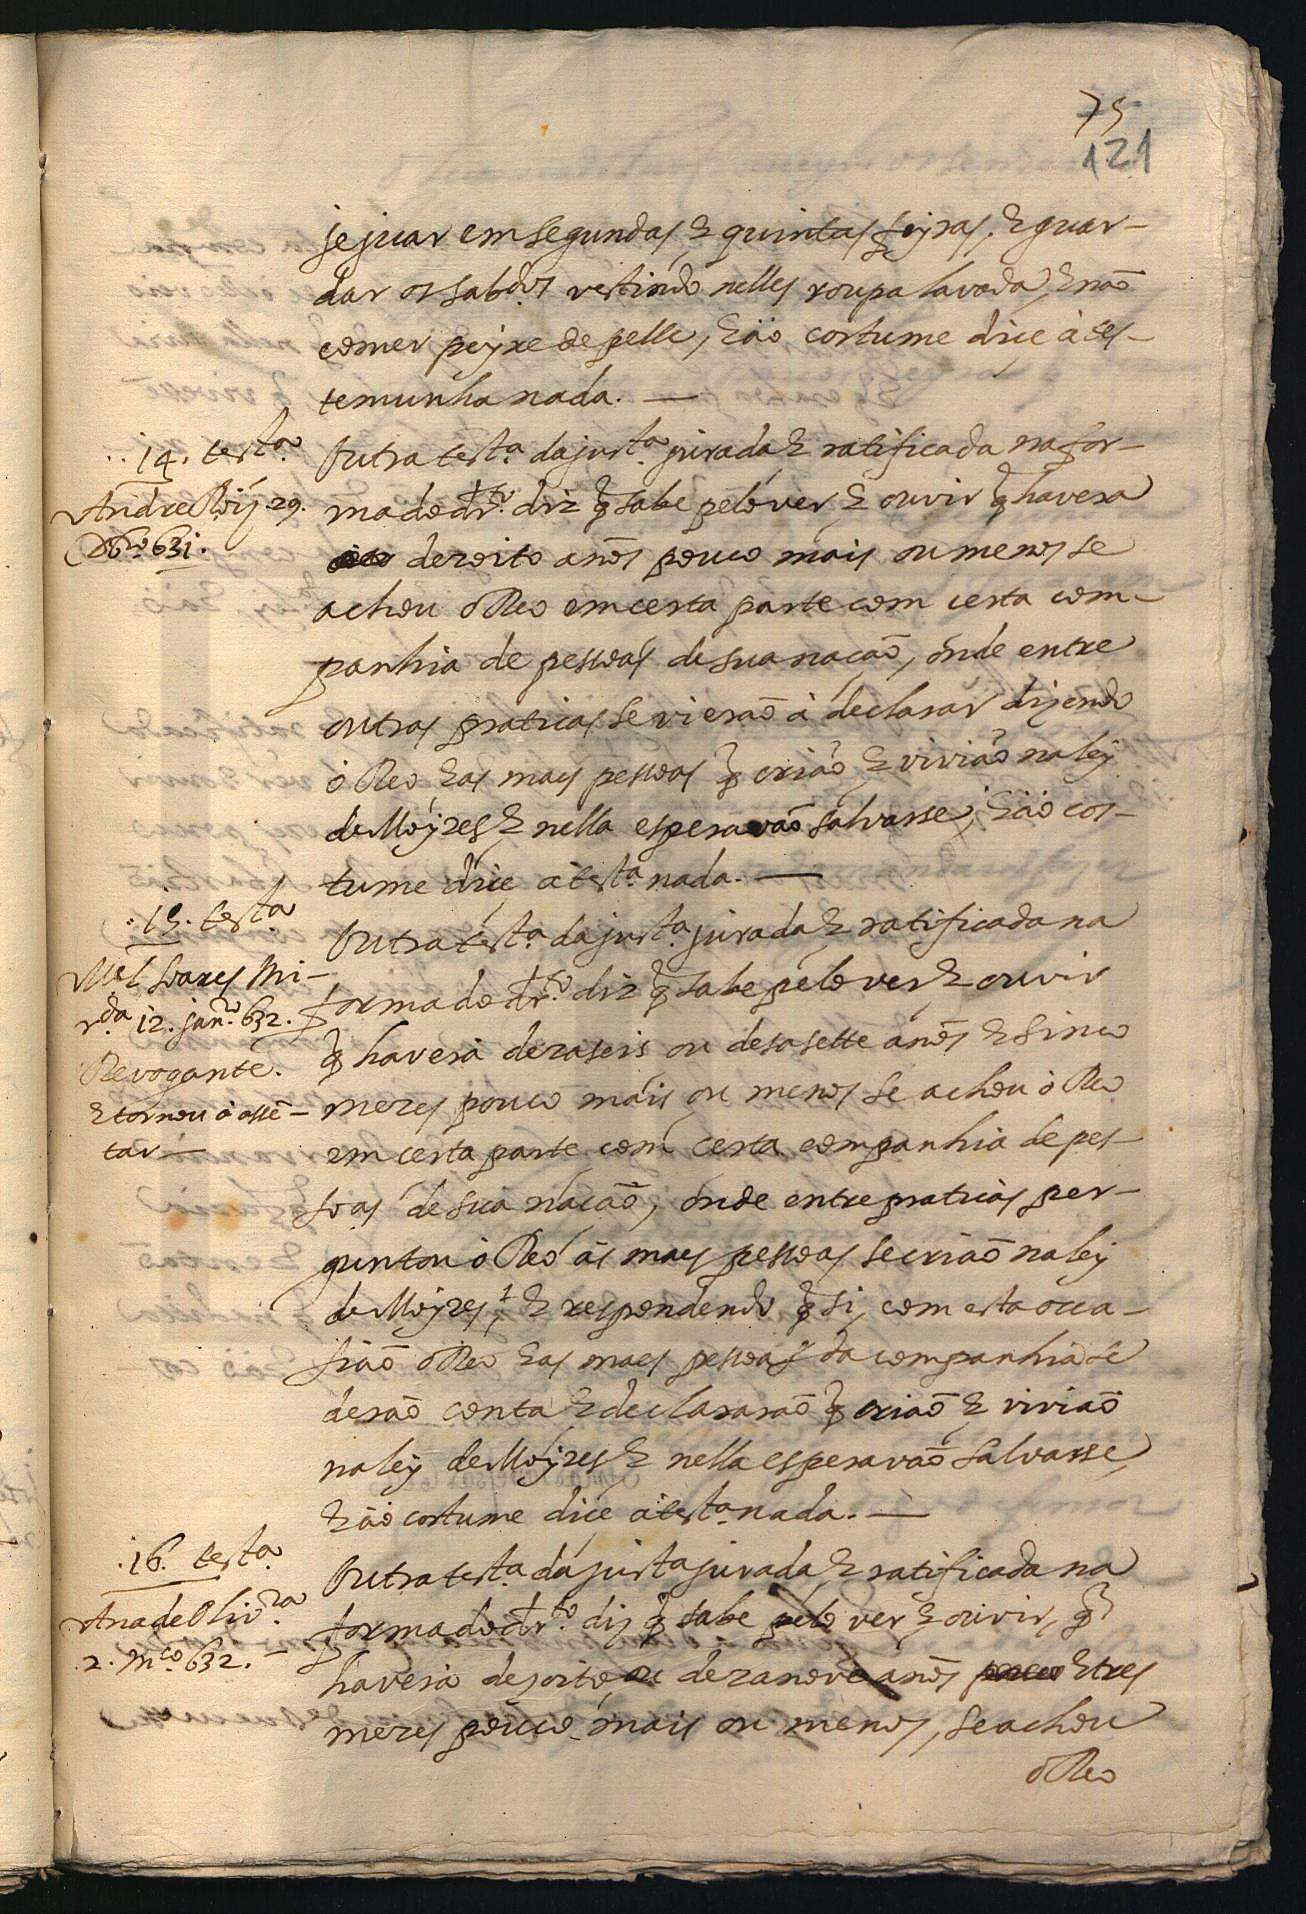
14. test.a
Andre Roiz̄ .29.
Dbr.o 631.
15. test.a
M.el soares mi
r.da 12. jan.ro 632.
Revogante.
E tornou a assē
tar -
.i6. test.a
Ana de Oliv.ra
2. m.co 632.
jejuar em segundas, E quintas feyras, E guar
dar os sab.dos vestindo nelles roupa lavada, E naõ
comer peyxe de pelle, E ao costume dice a tes
temunha nada.
Outra test.a da just.a jurada, E ratificada na for
ma do d̄r.to diz q̄ sabe pelo uer, E ouvir q̄ havera
_ dezoito anōs pouco mais ou menos se
achou o Reo em certa parte com certa com
panhia de pessoas de sua naçaõ, onde entre
outras praticas se vieraõ a declarar dizendo
o Reo, E as mais pessoas q̄ criaõ, E viviaõ na ley
de Moyzes, E nella esperavaõ salvarse, E ao cos
tume dice, a test.a nada. -
Outra test.a da just.a jurada, E ratificada na
forma do d̄r.to diz q̄ sabe pelo ver, E ouvir
q̄ havera dezaseis ou desasette anōs E sinco
mezes pouco mais ou menos se achou o Reo
em certa parte com certa companhia de pes
soas de sua naçaõ, onde entre praticas per
guntou o Reo às maes pessoas se criaõ na ley
de Moyzes, 1 E respondendo q̄ si, com esta occa
siaõ o Reo E as maes pessoas da companhia se
deraõ conta, E declararaõ q̄ criaõ, E viviaõ
na ley de Moyzes, E nella esperavaõ salvarse,
E ao costume dice, a test.a nada.
Outra test.a da justa jurada, E ratificada na
forma do d̄r.to diz q̄ sabe pelo ver, E ouvir, q̄
havera dezoito, ou dezanove anōs _ E tres
mezes pouco mais ou menos, se achou
o Reo
